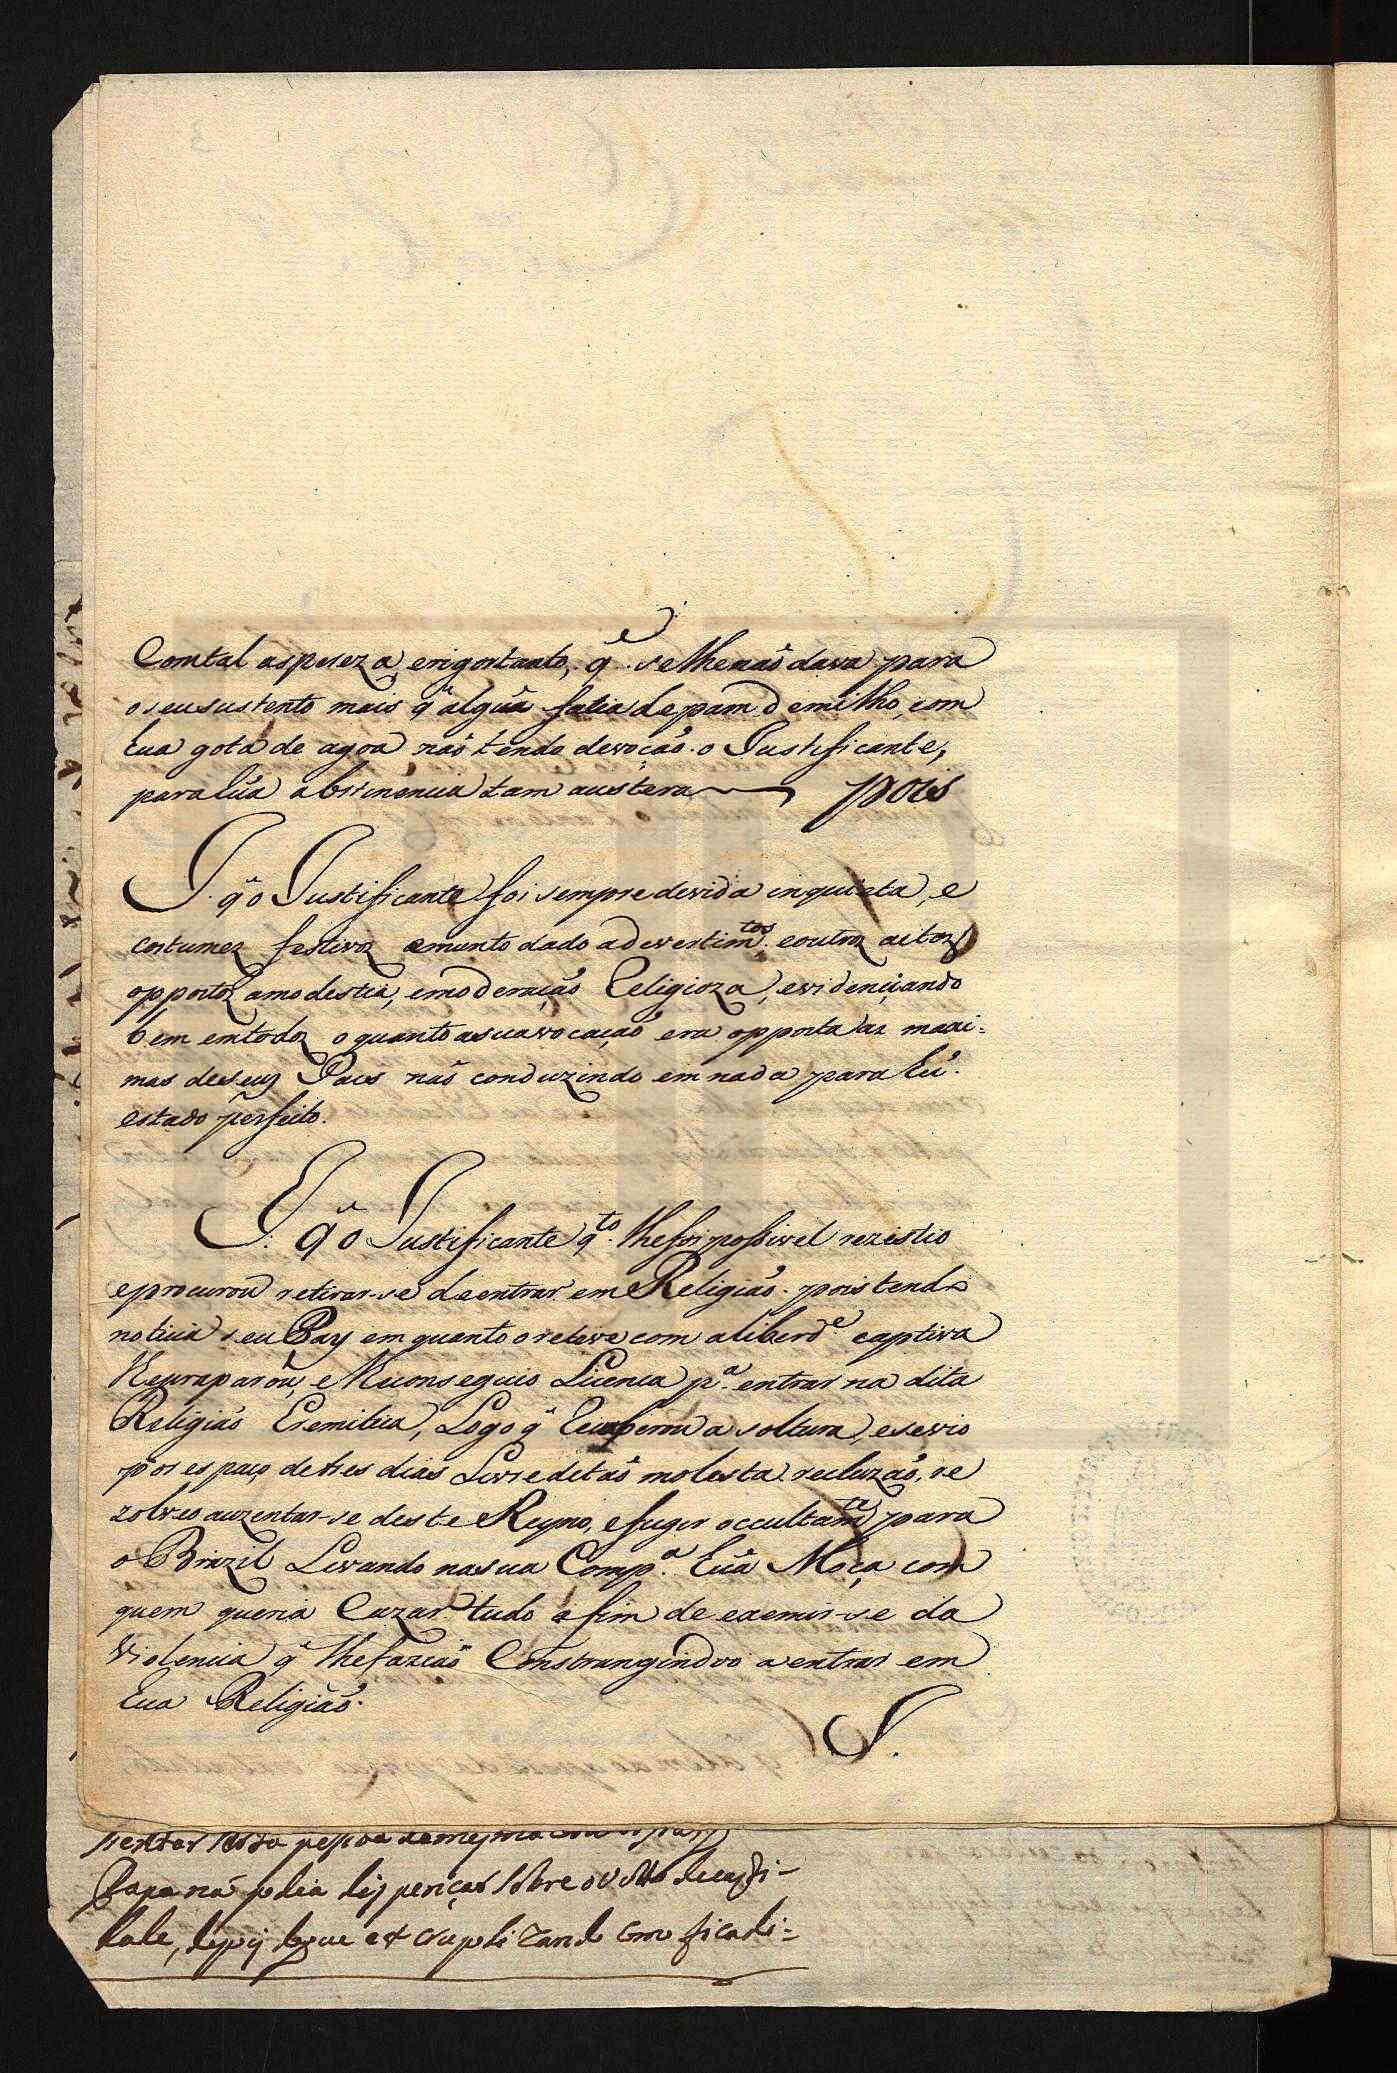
Com tal aspereza e rigor tanto, q̄ se lhe naõ dava para
o seu sustento mais q̄ alguā fatia de pam de milho, com
hua gota de agoa naõ tendo devoçaõ o Iustificante;
para hūa abstinencia tam austera pois
I q̄ o Iustificante foi sempre de vida inquieta, e
costumez festivoz a munto dado a devertim.tos; e outroz actoz
oppostoz a modestia, e moderaçaõ Religioza, evidençiando
bem em todo o quanto a sua vocaçaõ era opposta as maxi
mas de seus Pais naõ conduzindo em nada para hū
estado perfeito.
I. q̄ o Iustificante q.to lhe foi possivel rezistio
e procurou retirar-se de entrar em Religiaõ. pois tendo
noticia seu Pay emquanto o reteve com a liberd.e captiva
lhe praparou, e lhe conseguio Licenca p.a entrar na dita
Religiaõ Eremitica, Logo q̄ Recuperou a soltura, e se vio
por espaço de tres dias Livre ditas molesta recluzaõ, re
zolveo auzentar-se deste Reyno, e fugir occultamte para
o Brazil Levando na sua Comp.a huā Moça com
quem queria Cazar tudo afim de exemir-se da
violencia q̄ lhe faziaõ Constrangindoo a entrar em
hua Religiaõ.
I.
Papa naõ podia dispençar sobre o velho de casti
dade, depois do que excrupoliZando como fica di
